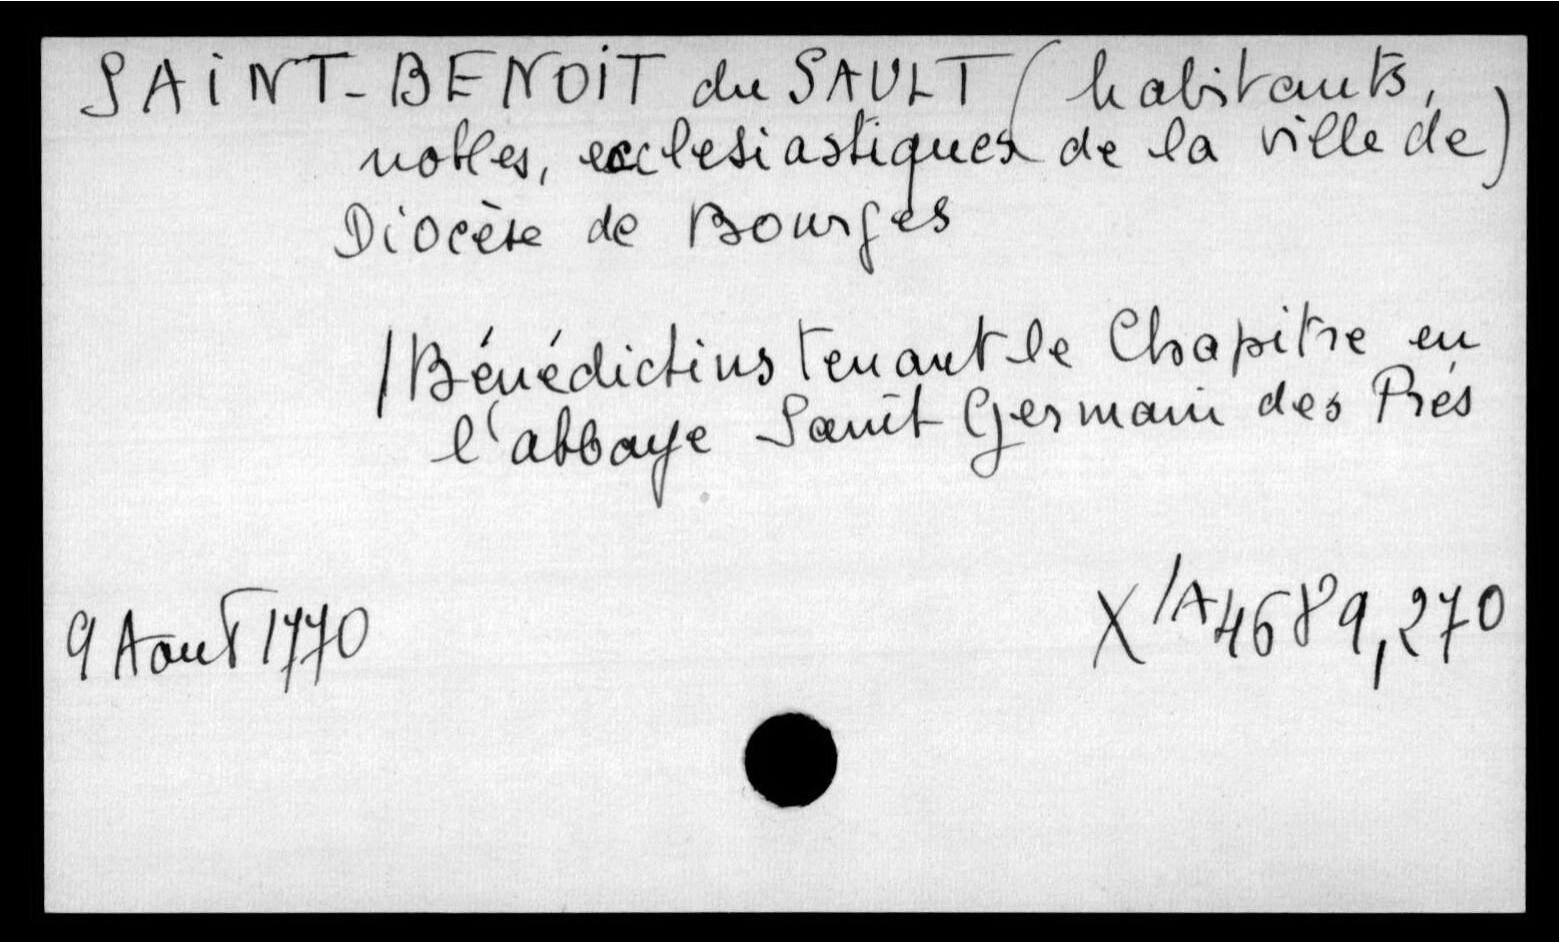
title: SAINT-BENOIT du SAULT (habitants, nobles, ecclésiastiques de la ville du Diocèse de Bourges
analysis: Contre Bénédictins tenant le chapitre en l'abbaye Sant-Germain des Prés
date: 9 août 1770
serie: X1A
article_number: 4689
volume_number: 270
